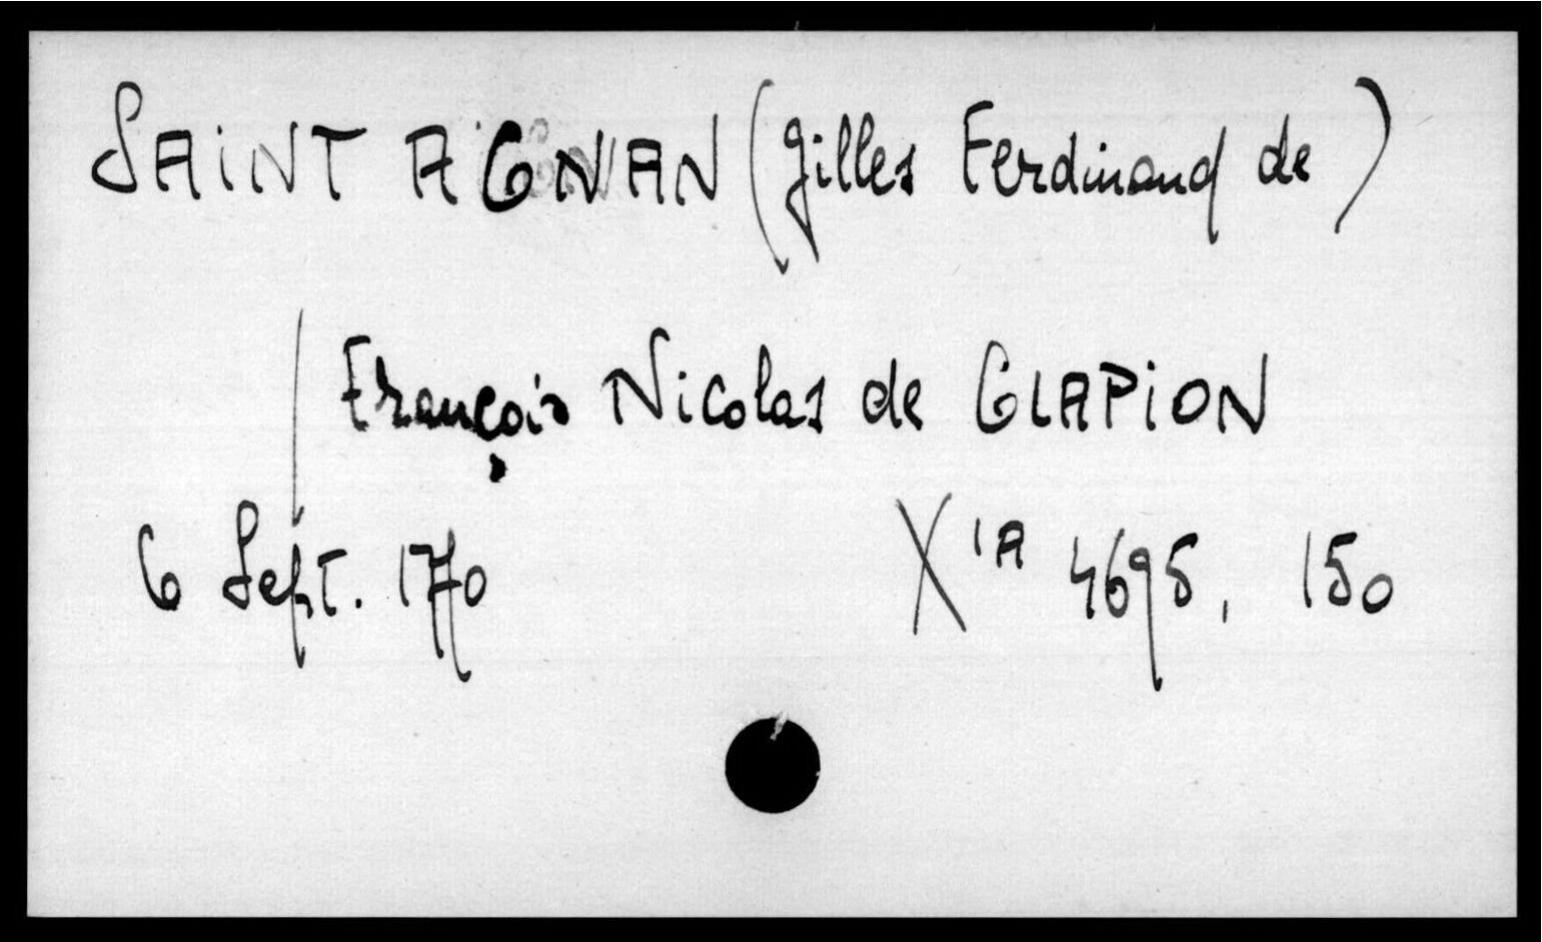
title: SAINT AGNAN (Gilles Ferdinand de)
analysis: Contre François Nicolas de GLAPION
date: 6 septembre 1770
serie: X1A
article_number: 4695
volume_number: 150
